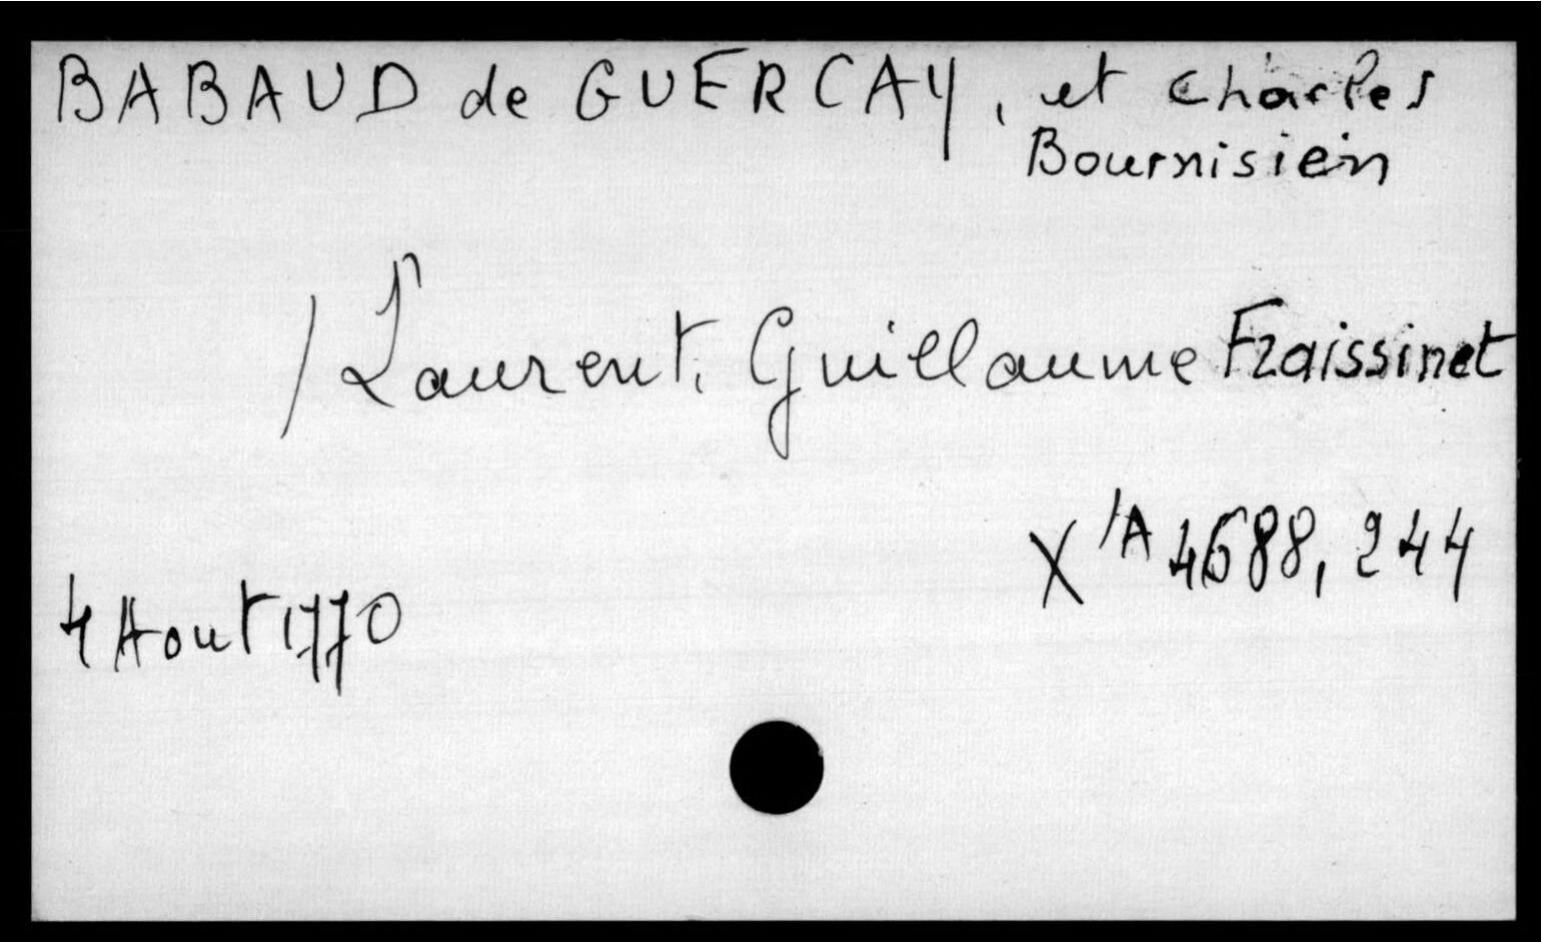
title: BABAUD de GUERCAY, et Charles Bournisien
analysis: Contre Laurent, Guillaume Fraissinet
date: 4 août 1770
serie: X1A
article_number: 4688
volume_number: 244
